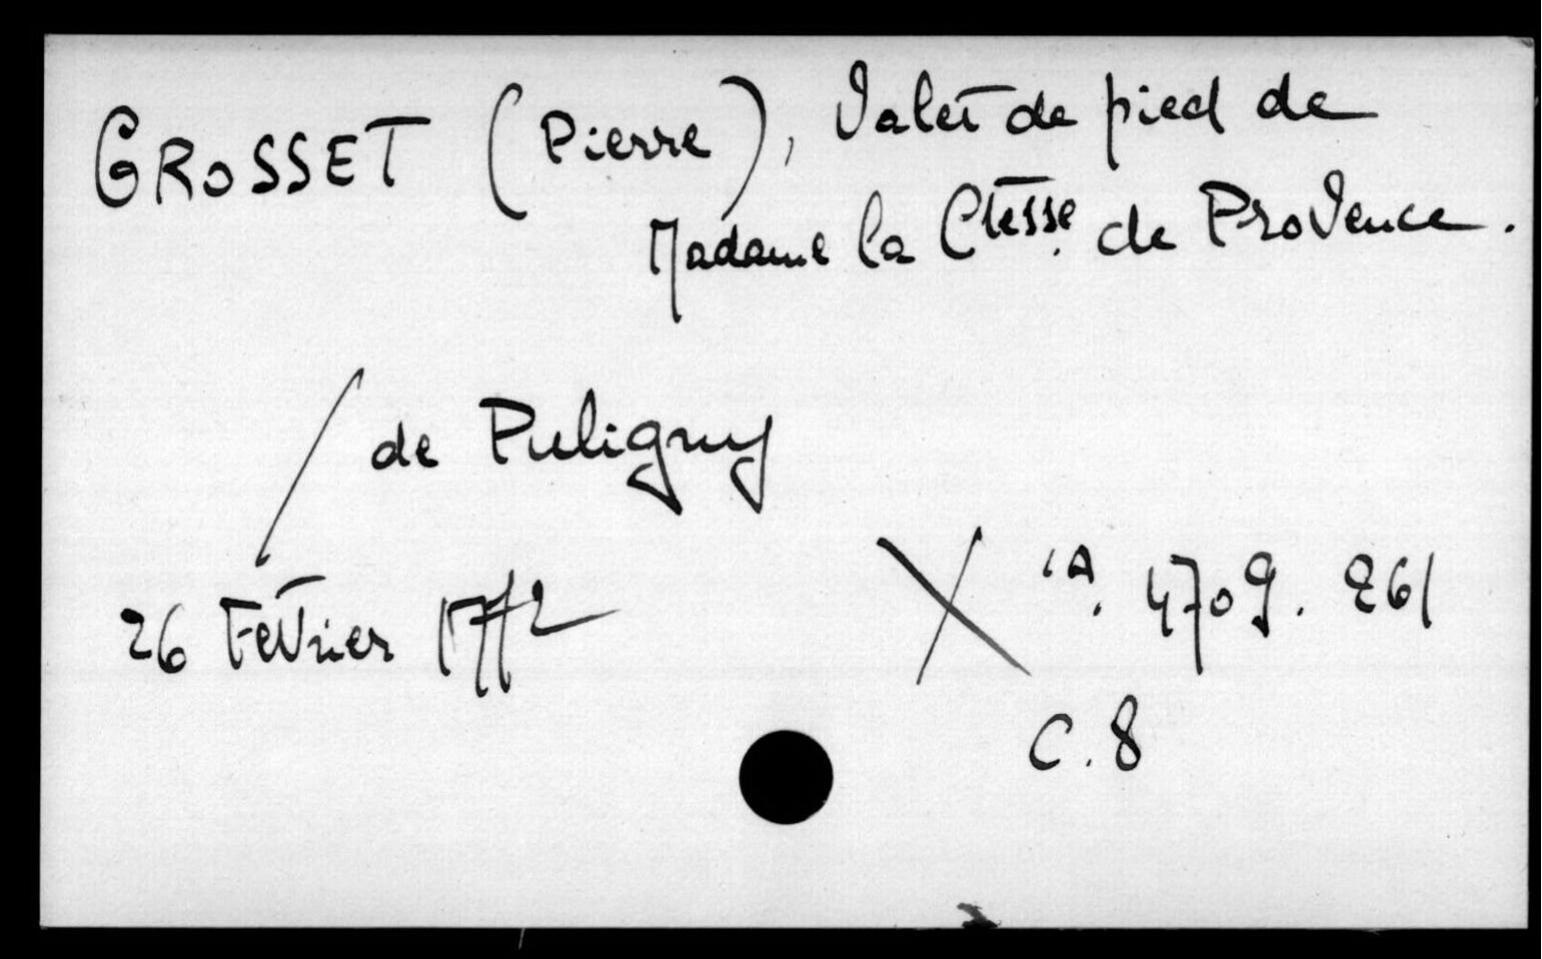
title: GROSSET (Pierre), valet de pied de Madame la comtesse de Provence
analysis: Contre de Puligny
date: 26 février 1772
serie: X1A
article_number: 4709
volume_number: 261
